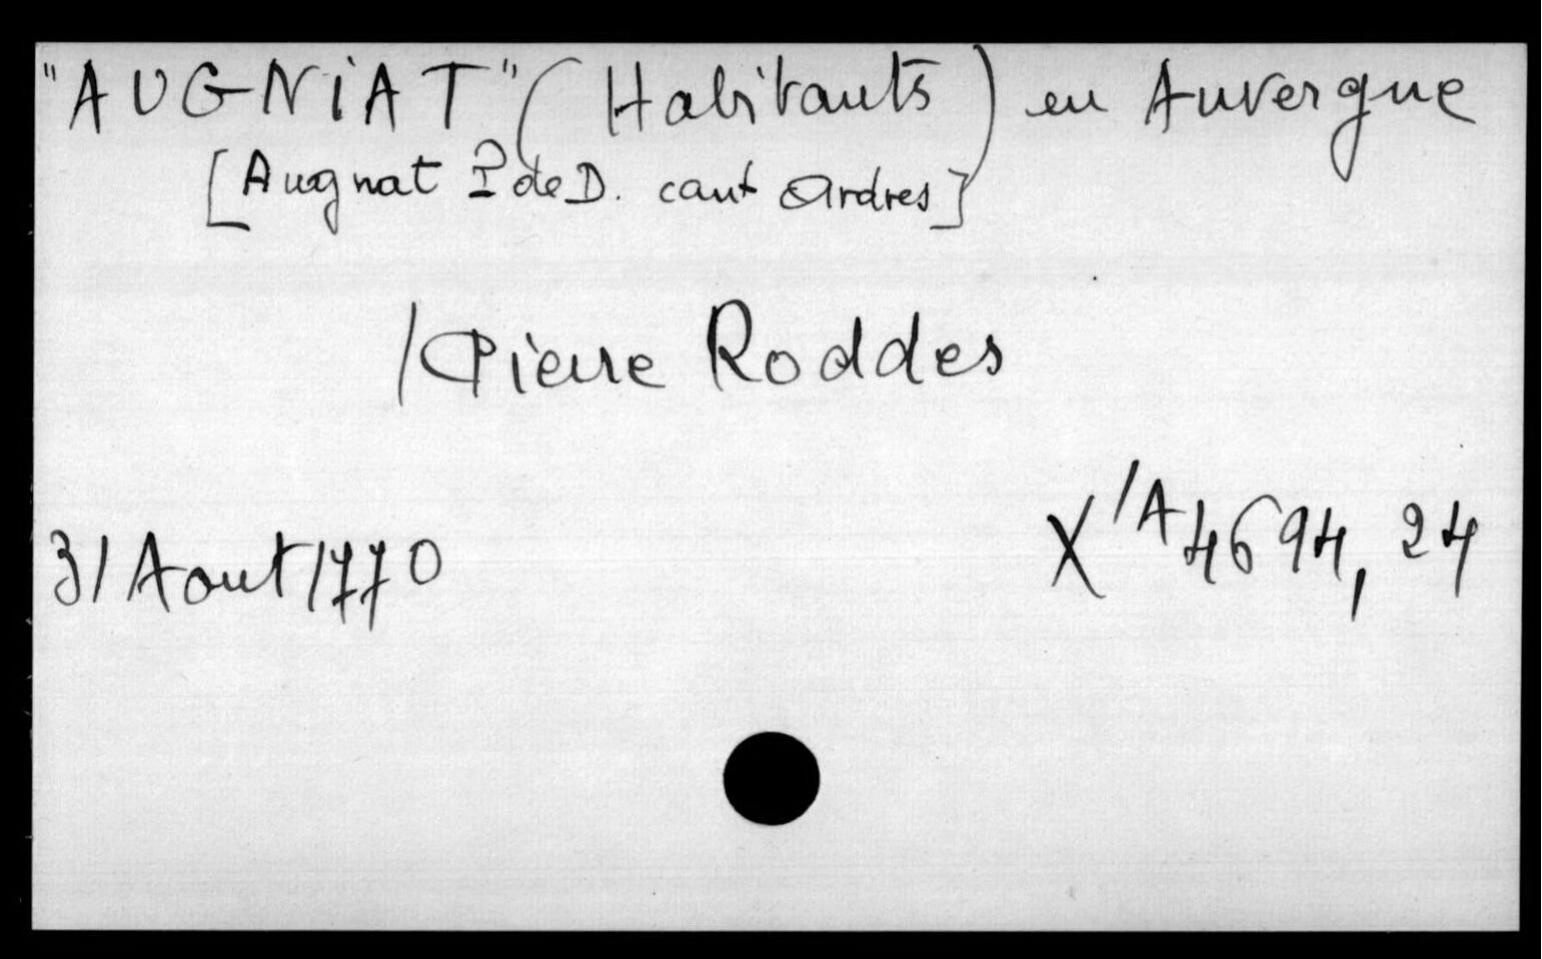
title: "AUGNIAT" (Habitants) en Auvergne [Augnat, Puy-de-Dôme, canton Ardres]
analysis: Contre Pierre Roddes
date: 31 août 1770
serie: X1A
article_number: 4694
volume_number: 24
